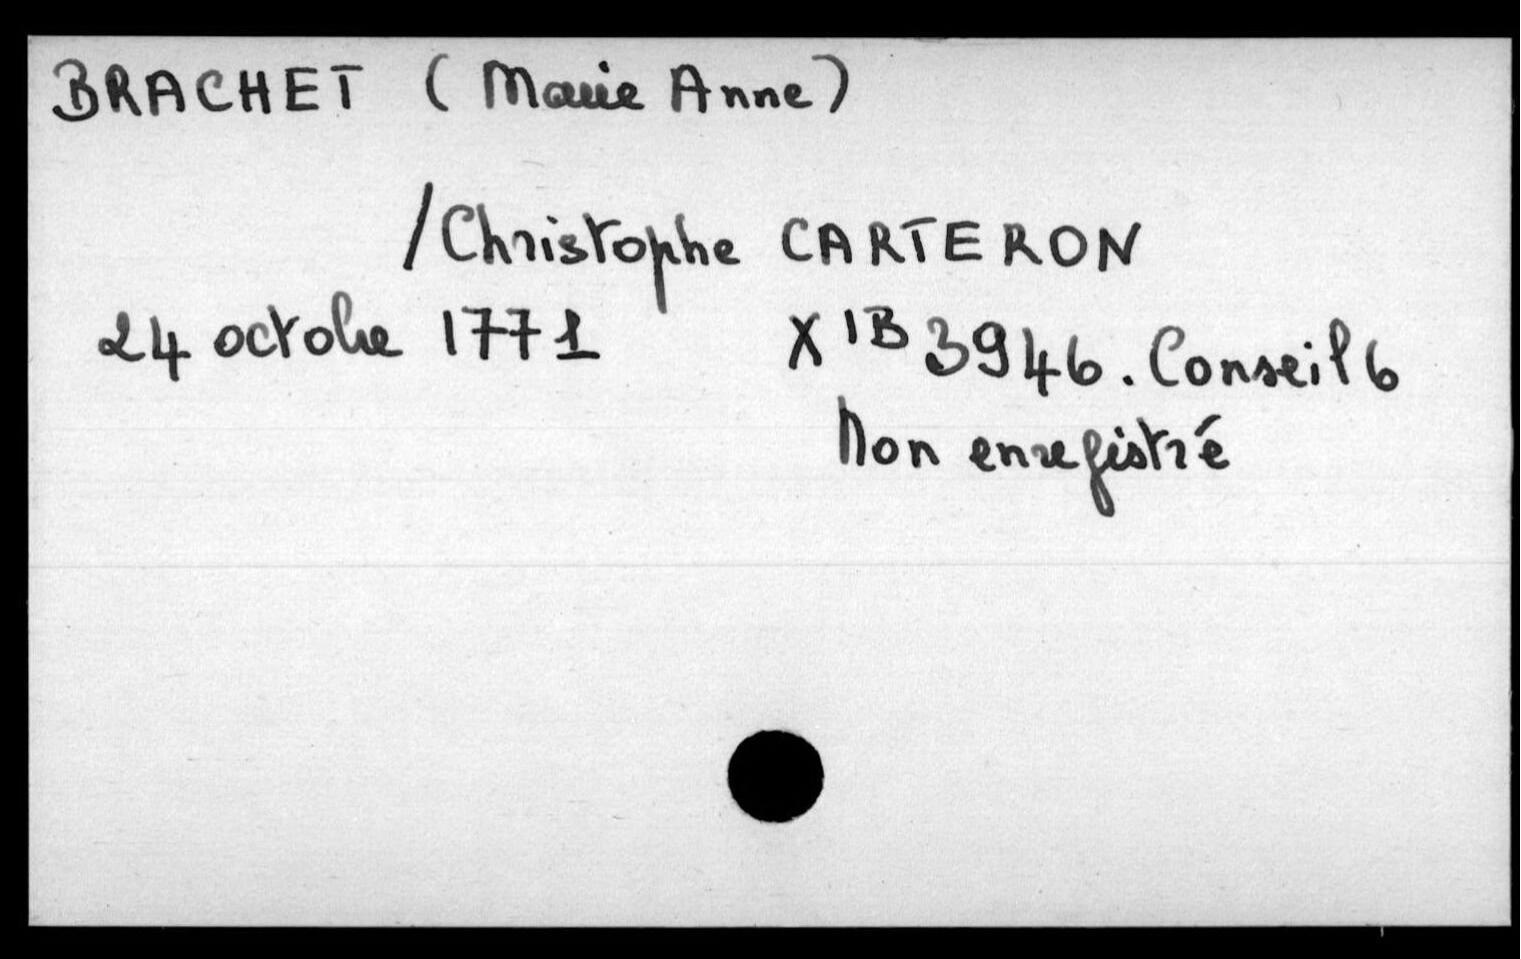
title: BRACHET (Marie Anne)
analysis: Contre Christophe CARTERON
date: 24 octobre 1771
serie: X1b
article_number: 3946
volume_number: Conseil 6
